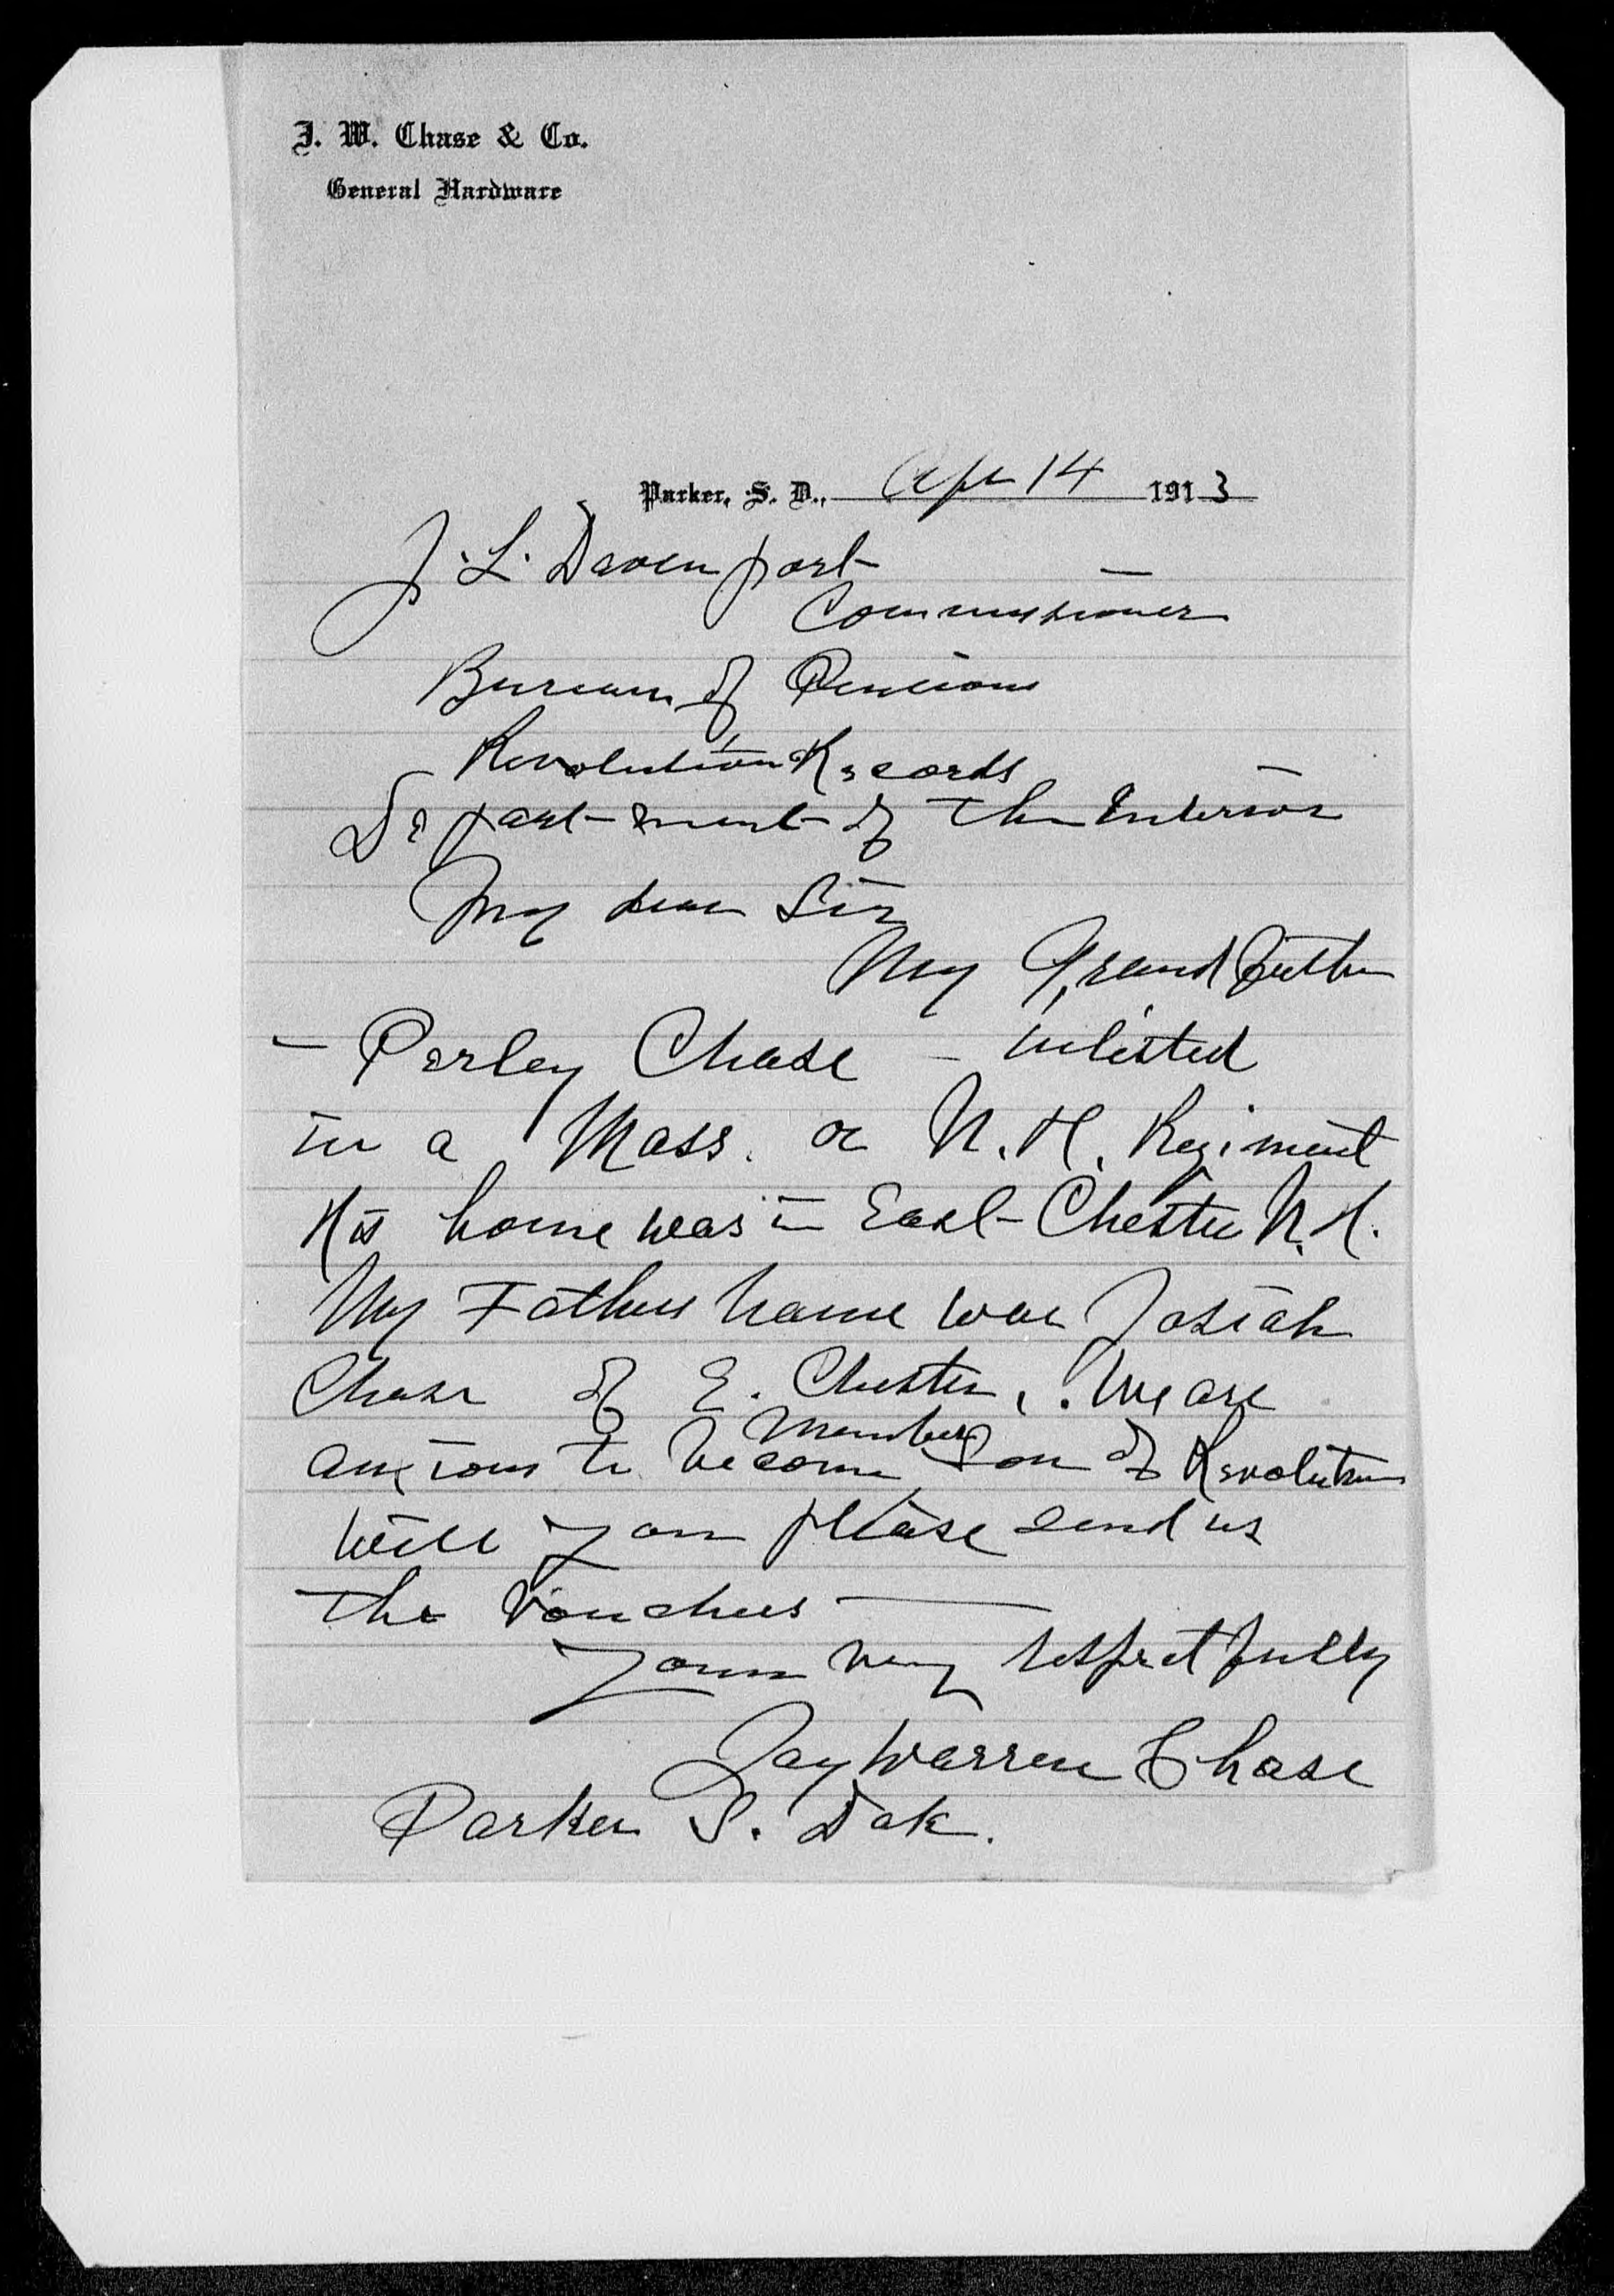J. W. Chase & Co.
General Hardware

Parker, S. D. Apr 14 1913
J. L. Davenport
Commissioner
Bureau of Pensions
Revolution Records
Department of the Interior

My Dear Sir
May I, send further
-Perley Chase-enlisted
in a Mass. or N.H. Regiment.
His home was East Chester, N.H.
My Father's name was Josiah
Chase of E. Chester.  We are 
anxious to become members Son of Revolution.  
Will you please send us
the Vouchers--
Yours very respectfully
Jay Warren Chase
Parker S. Dale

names: J L Davenport, Perley Chase, Josiah Chase, J W Chase, Jay Warren Chase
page: 11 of 24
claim: survivor's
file: S. 17879, Perley Chase, Continental Mass.